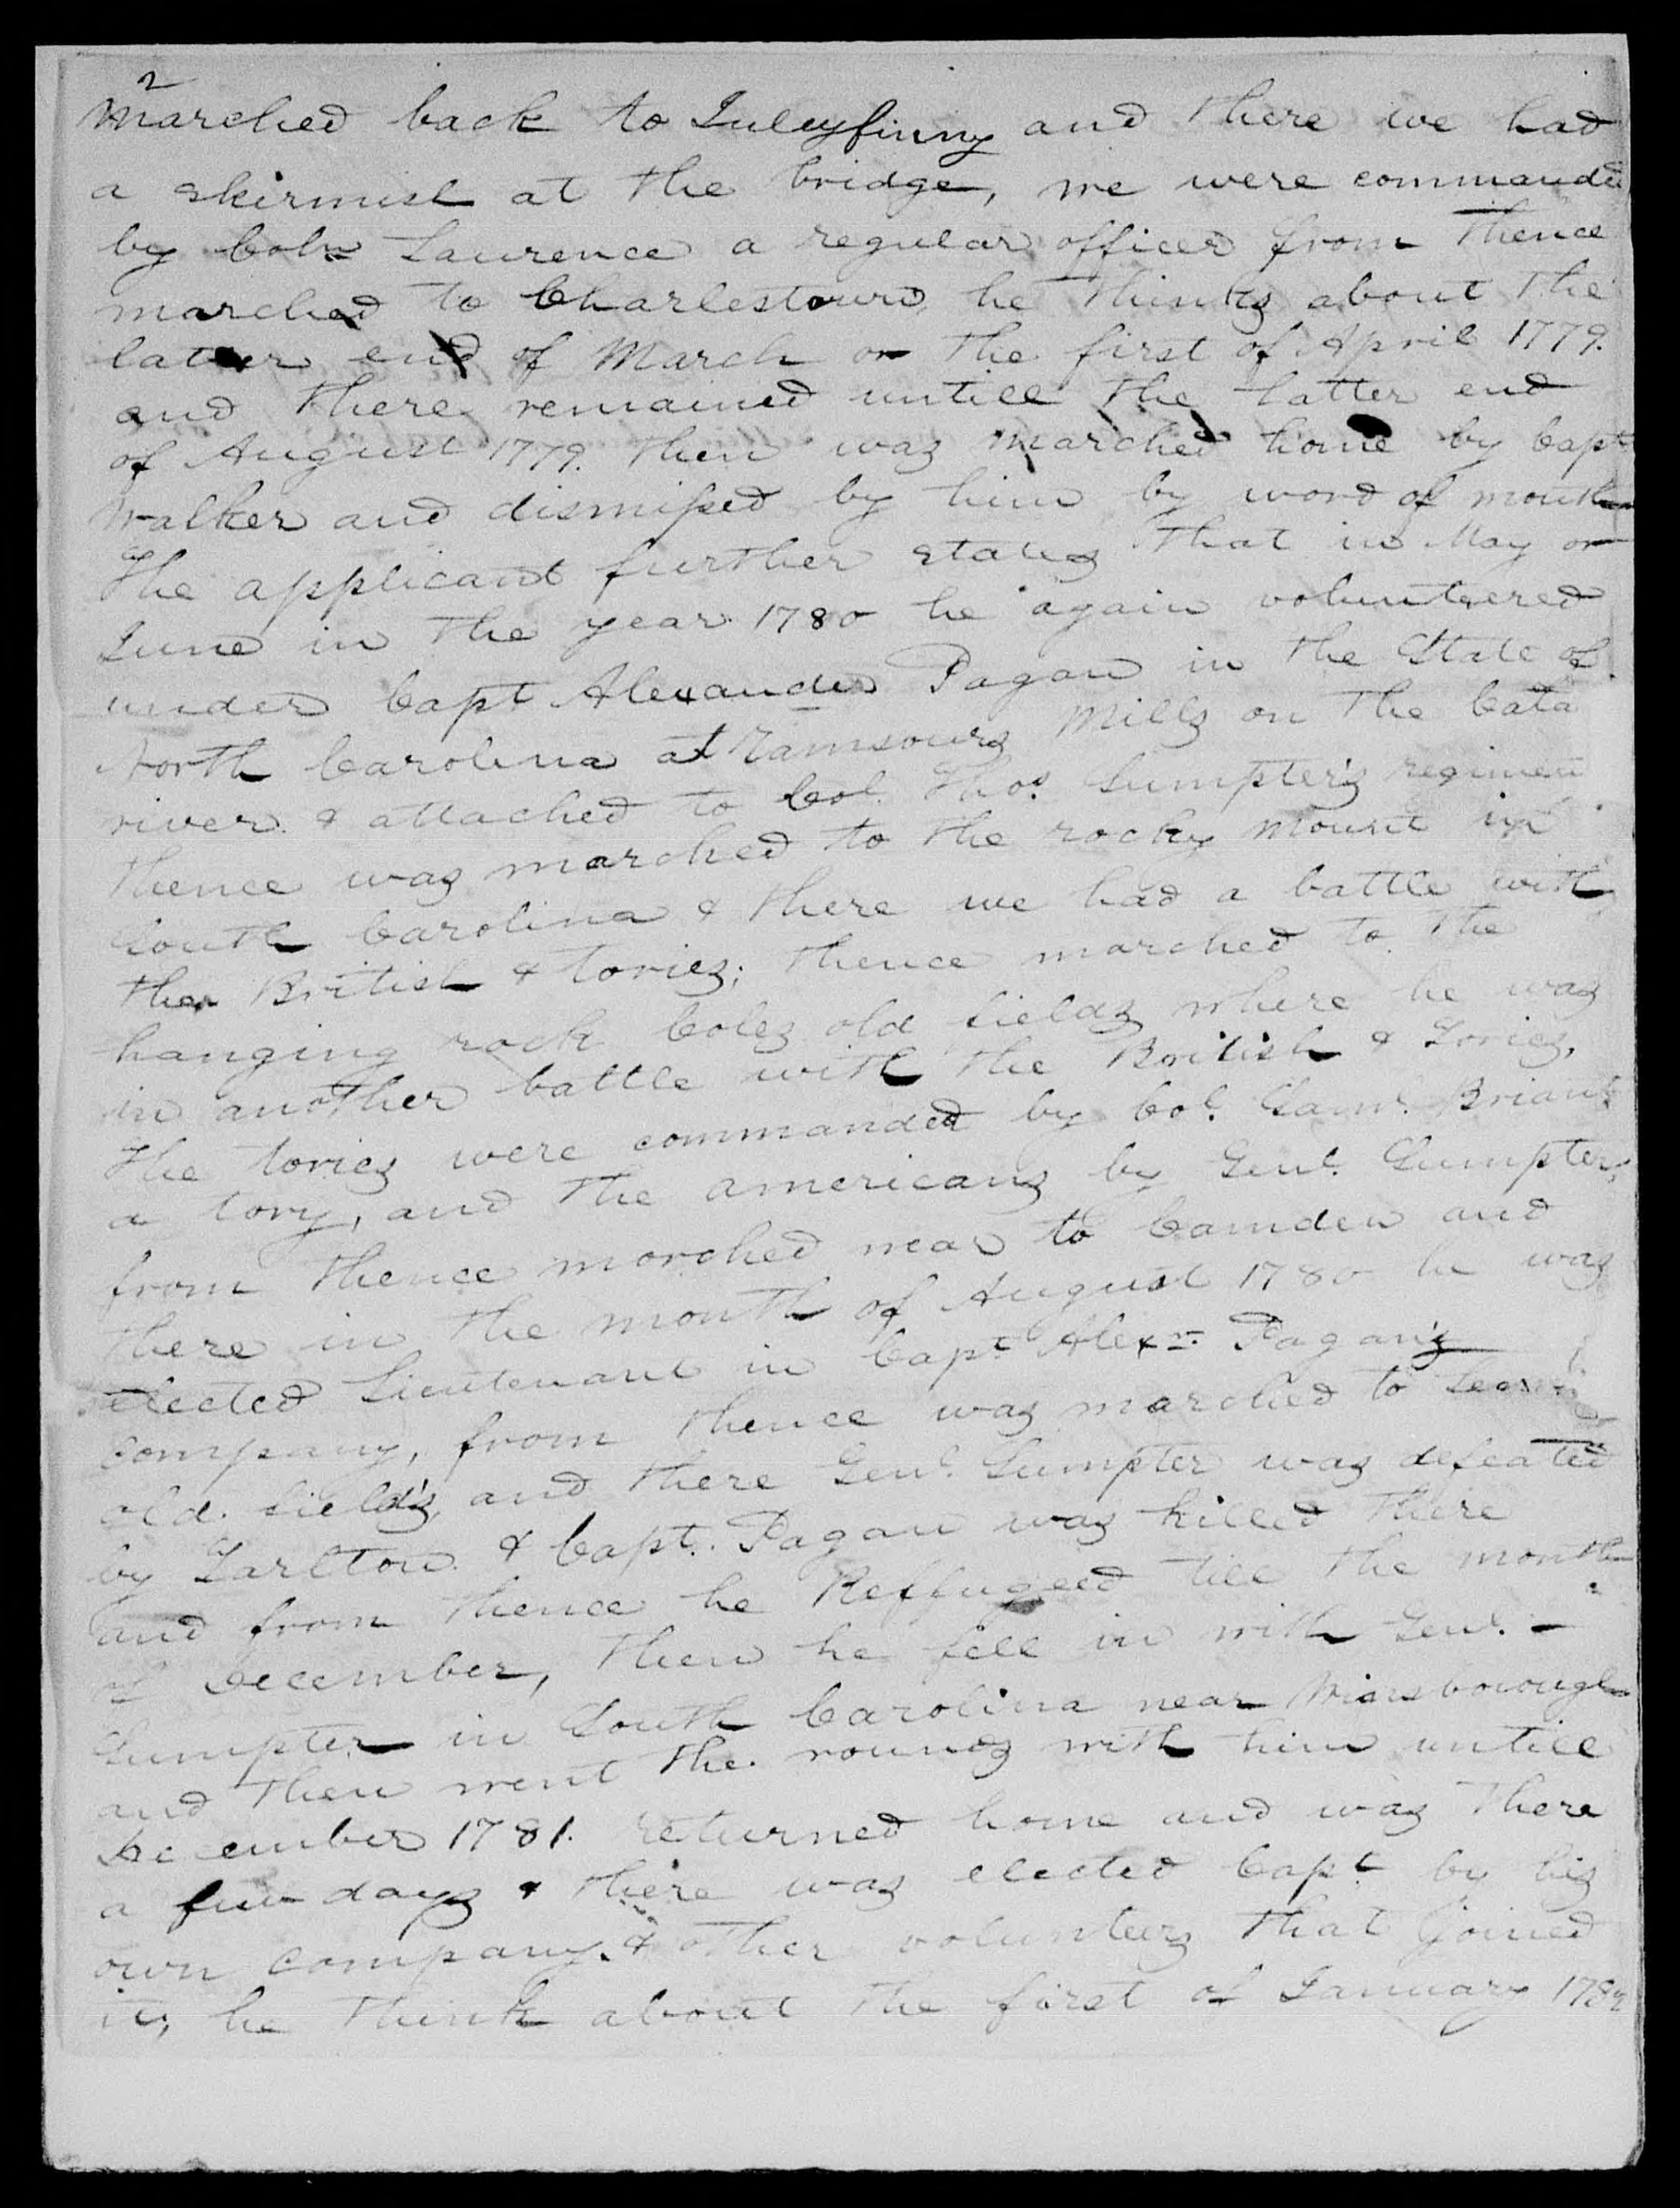(2) marched back to Tuleyfinny [Tulifinney River] and there we had a skirmish at the bridge, we were commanded by  Col. Lawrence [John Laurens] a regular officer from thence marched to Charleston, he thinks about the latter end of March or the first of April 1779 and there remained until the latter end of August 1779. Then was marched home by Capt. [Philip] Walker and dismissed by him by word of mouth. The applicant further states that in May or June in the year 1780 he again volunteered  under Capt. Alexander Pagan in the  State of North Carolina at Ramsours Mills on the Catawba River & attached to  Col. Thos. Sumpter's [Gen. Thomas Sumter] regiment  thence was marched to the Rocky Mount in  South Carolina & there we had a battle with the British & Tories ; thence marched to the Hanging Rock,  Coles old fields where he was  in another battle with the British & Tories . The Tories were commanded by Col Saml Briant [Samuel Bryan], a Tory , and the Americans by Genl Sumter from thence was marched near to Camden and there, in the month of August 1780 he was elected Lieutenant in Capt. Alex’r. Pagan’s Company.
from thence was marched to Lears old fields [Battle of Fishing Creek] and there Gen’l. Sumter was defeated by Tarlton [Lt. Col. Banastre Tarleton]  & Capt Pagan was  killed there  and from  thence he  refugeed till the month of December , then he fell in  with  Genl Sumter in South Carolina near  Winnsboro and then went the rounds with him  until  December 1781  returned home and was there  a few days  there was elected Capt. by his own company  & other volunteers that  joined it ; he thinks about the first of January  1782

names: Saml Briant, Sumpter, Sumpter, Sumpter, Alexander Pagan, Pagan, Walker, Lawrence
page: 8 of 44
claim: survivor's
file: S. 31,061, Thomas Gill, S.C.